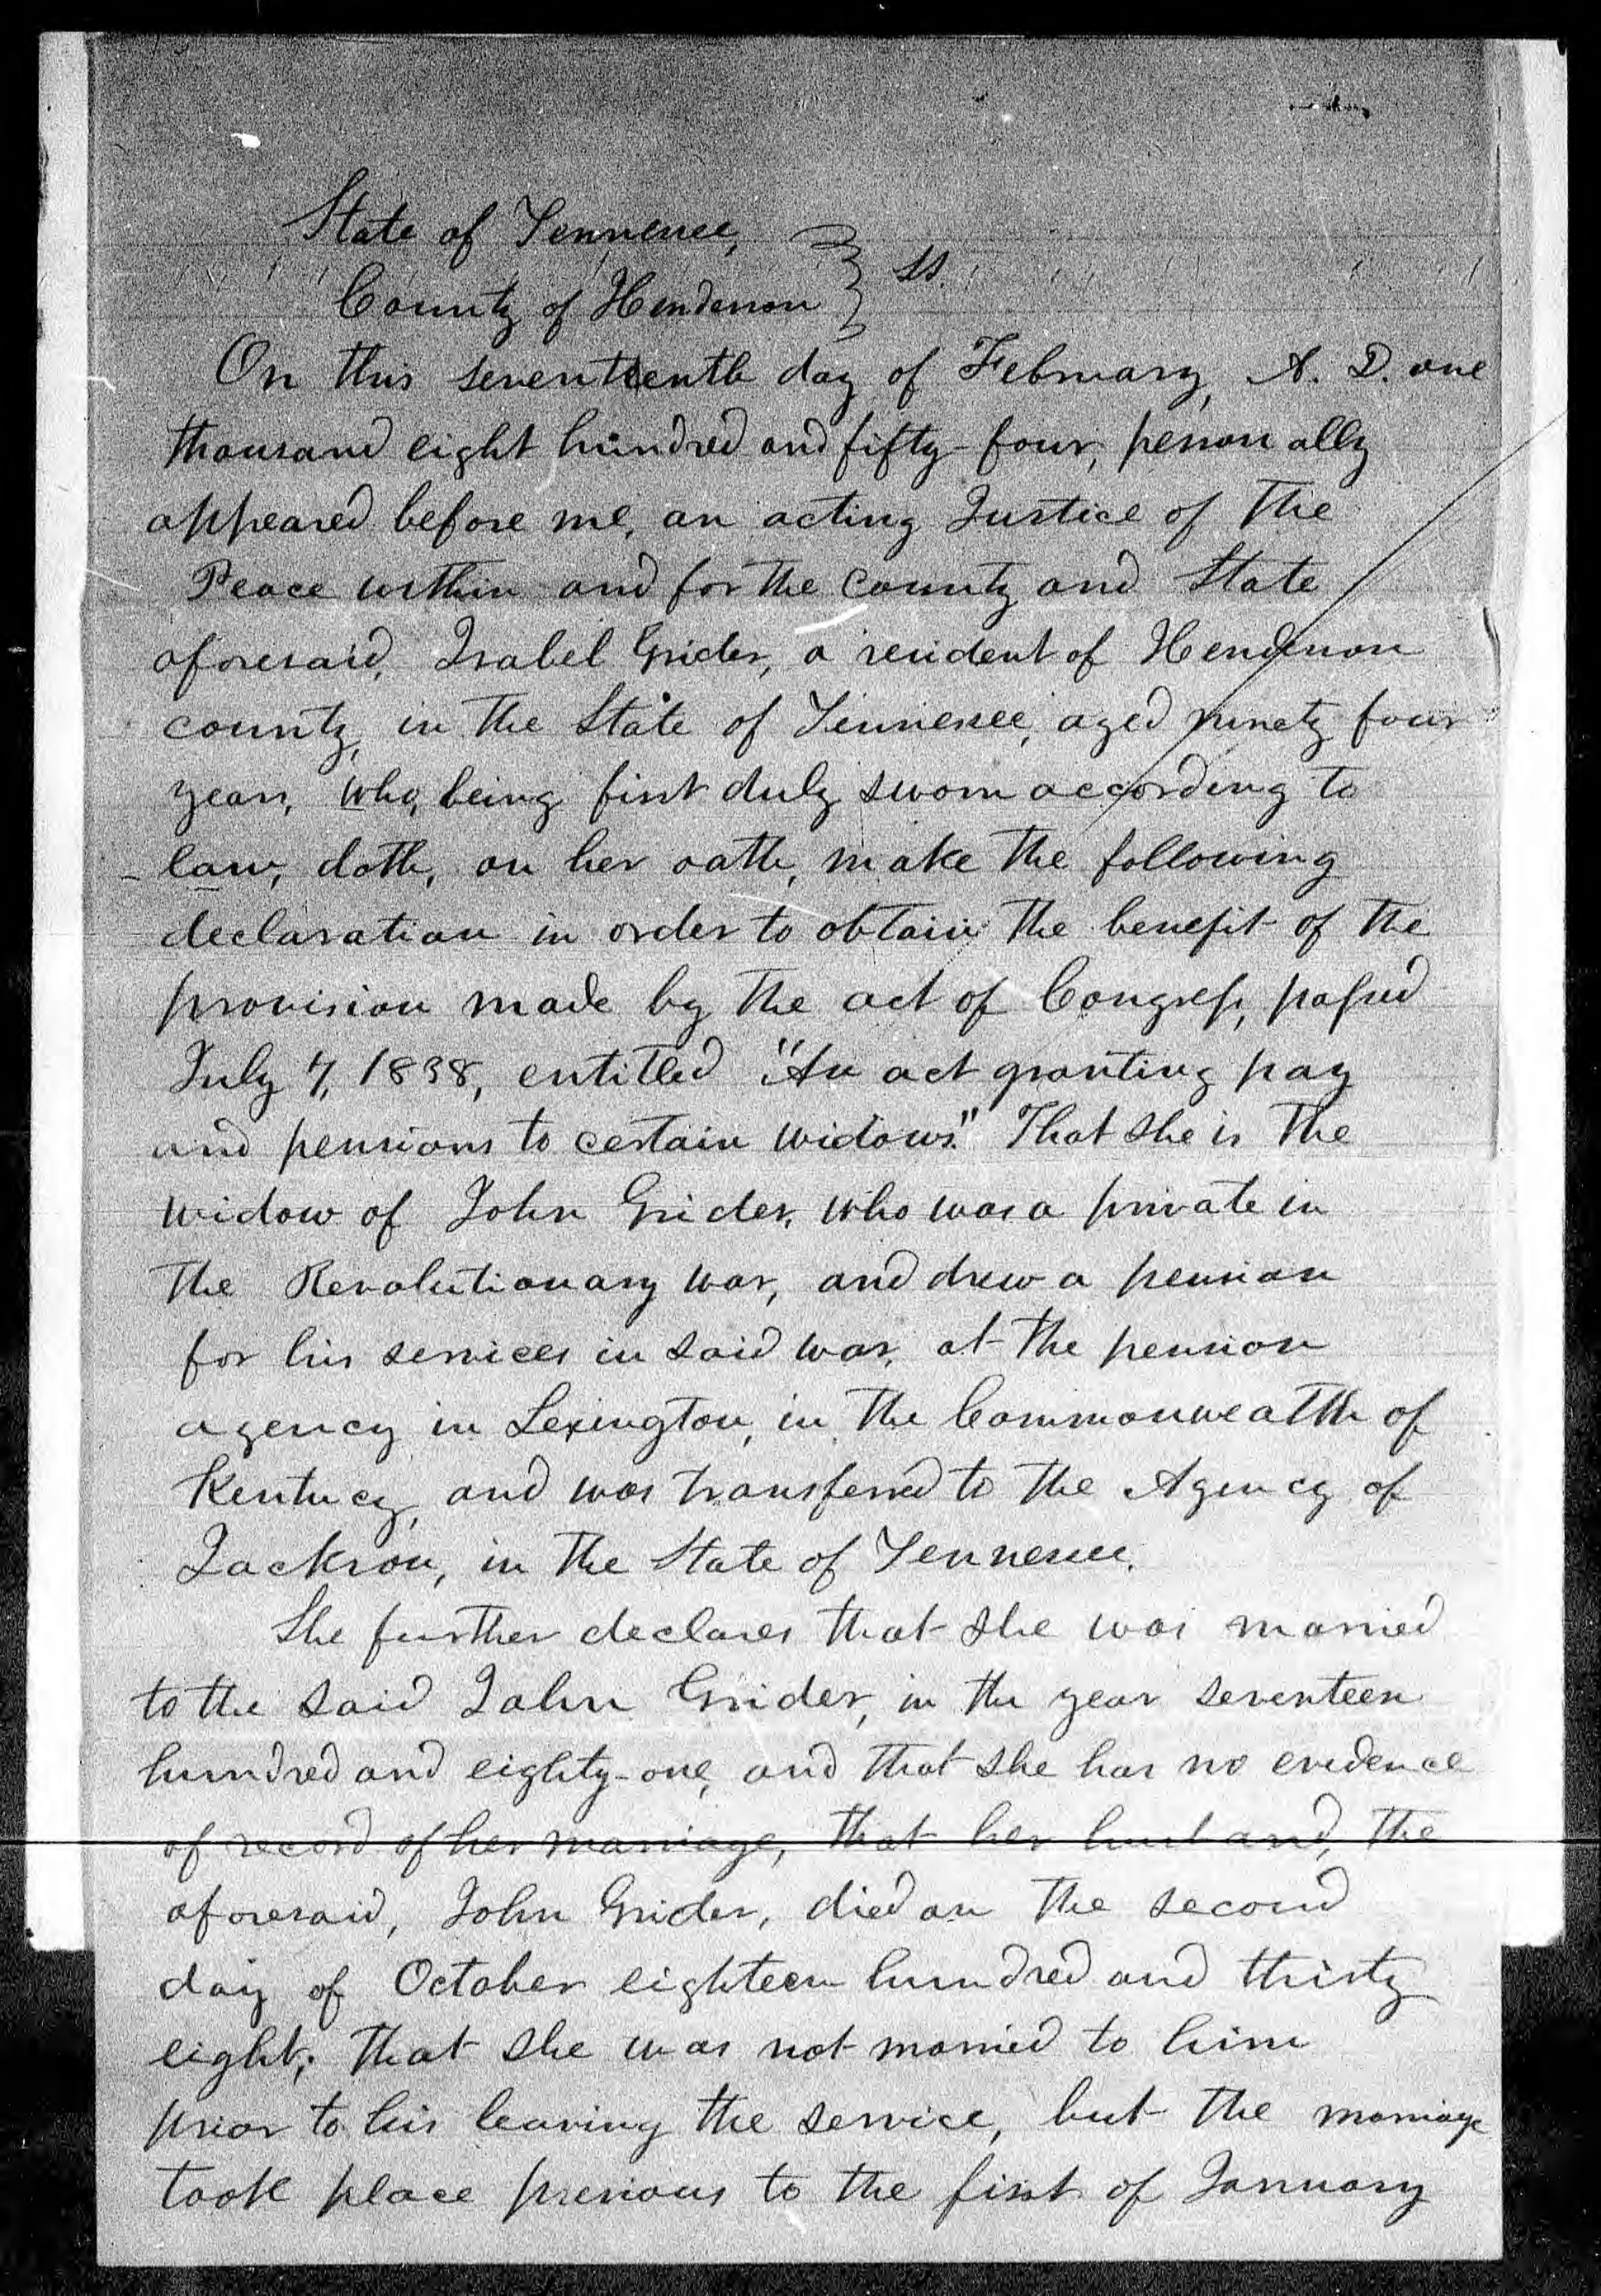State of Tennessee 
County of Henderson } SS
On this seventeenth day of February, A.D. one thousand eight hundred and fifty four, personally appeared before me, an acting Justice of the Peace within and for the county and State aforesaid, Isabel Grider, a resident of Henderson County, in the state of Tennessee aged ninety four year, who being first duly sworn according to  law, doth, on her oath, make the following declaration in order to obtain the benefit of the provision made by the act of Congress, passed July 7, 1838, entitled "An act granting pay and pensions to certain widows" That she is the widow of John Grider, who was a private in the Revolutionary war, and drew a pension for his services in said war, at the pension agency in Lexington, in the Commonwealth of Kentucky, and was transferred to the Agency of Jackson, in the State of Tennessee.
     She further declares that she was married to the said John Grider, in the year seventeen hundred and eighty-one and taht she has no evidence of record of the marriagem that her husband, the aforesaid, John Grider, died on the second day of October eighteen hundred and thrity eight, that she as not married to him prior to his leaving the service, but the marriage took place previous ot the first of January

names: John Grider, John Grider, John Grider, Isabel Grider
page: 89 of 91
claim: widow's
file: W 358, John Grider, N.C.